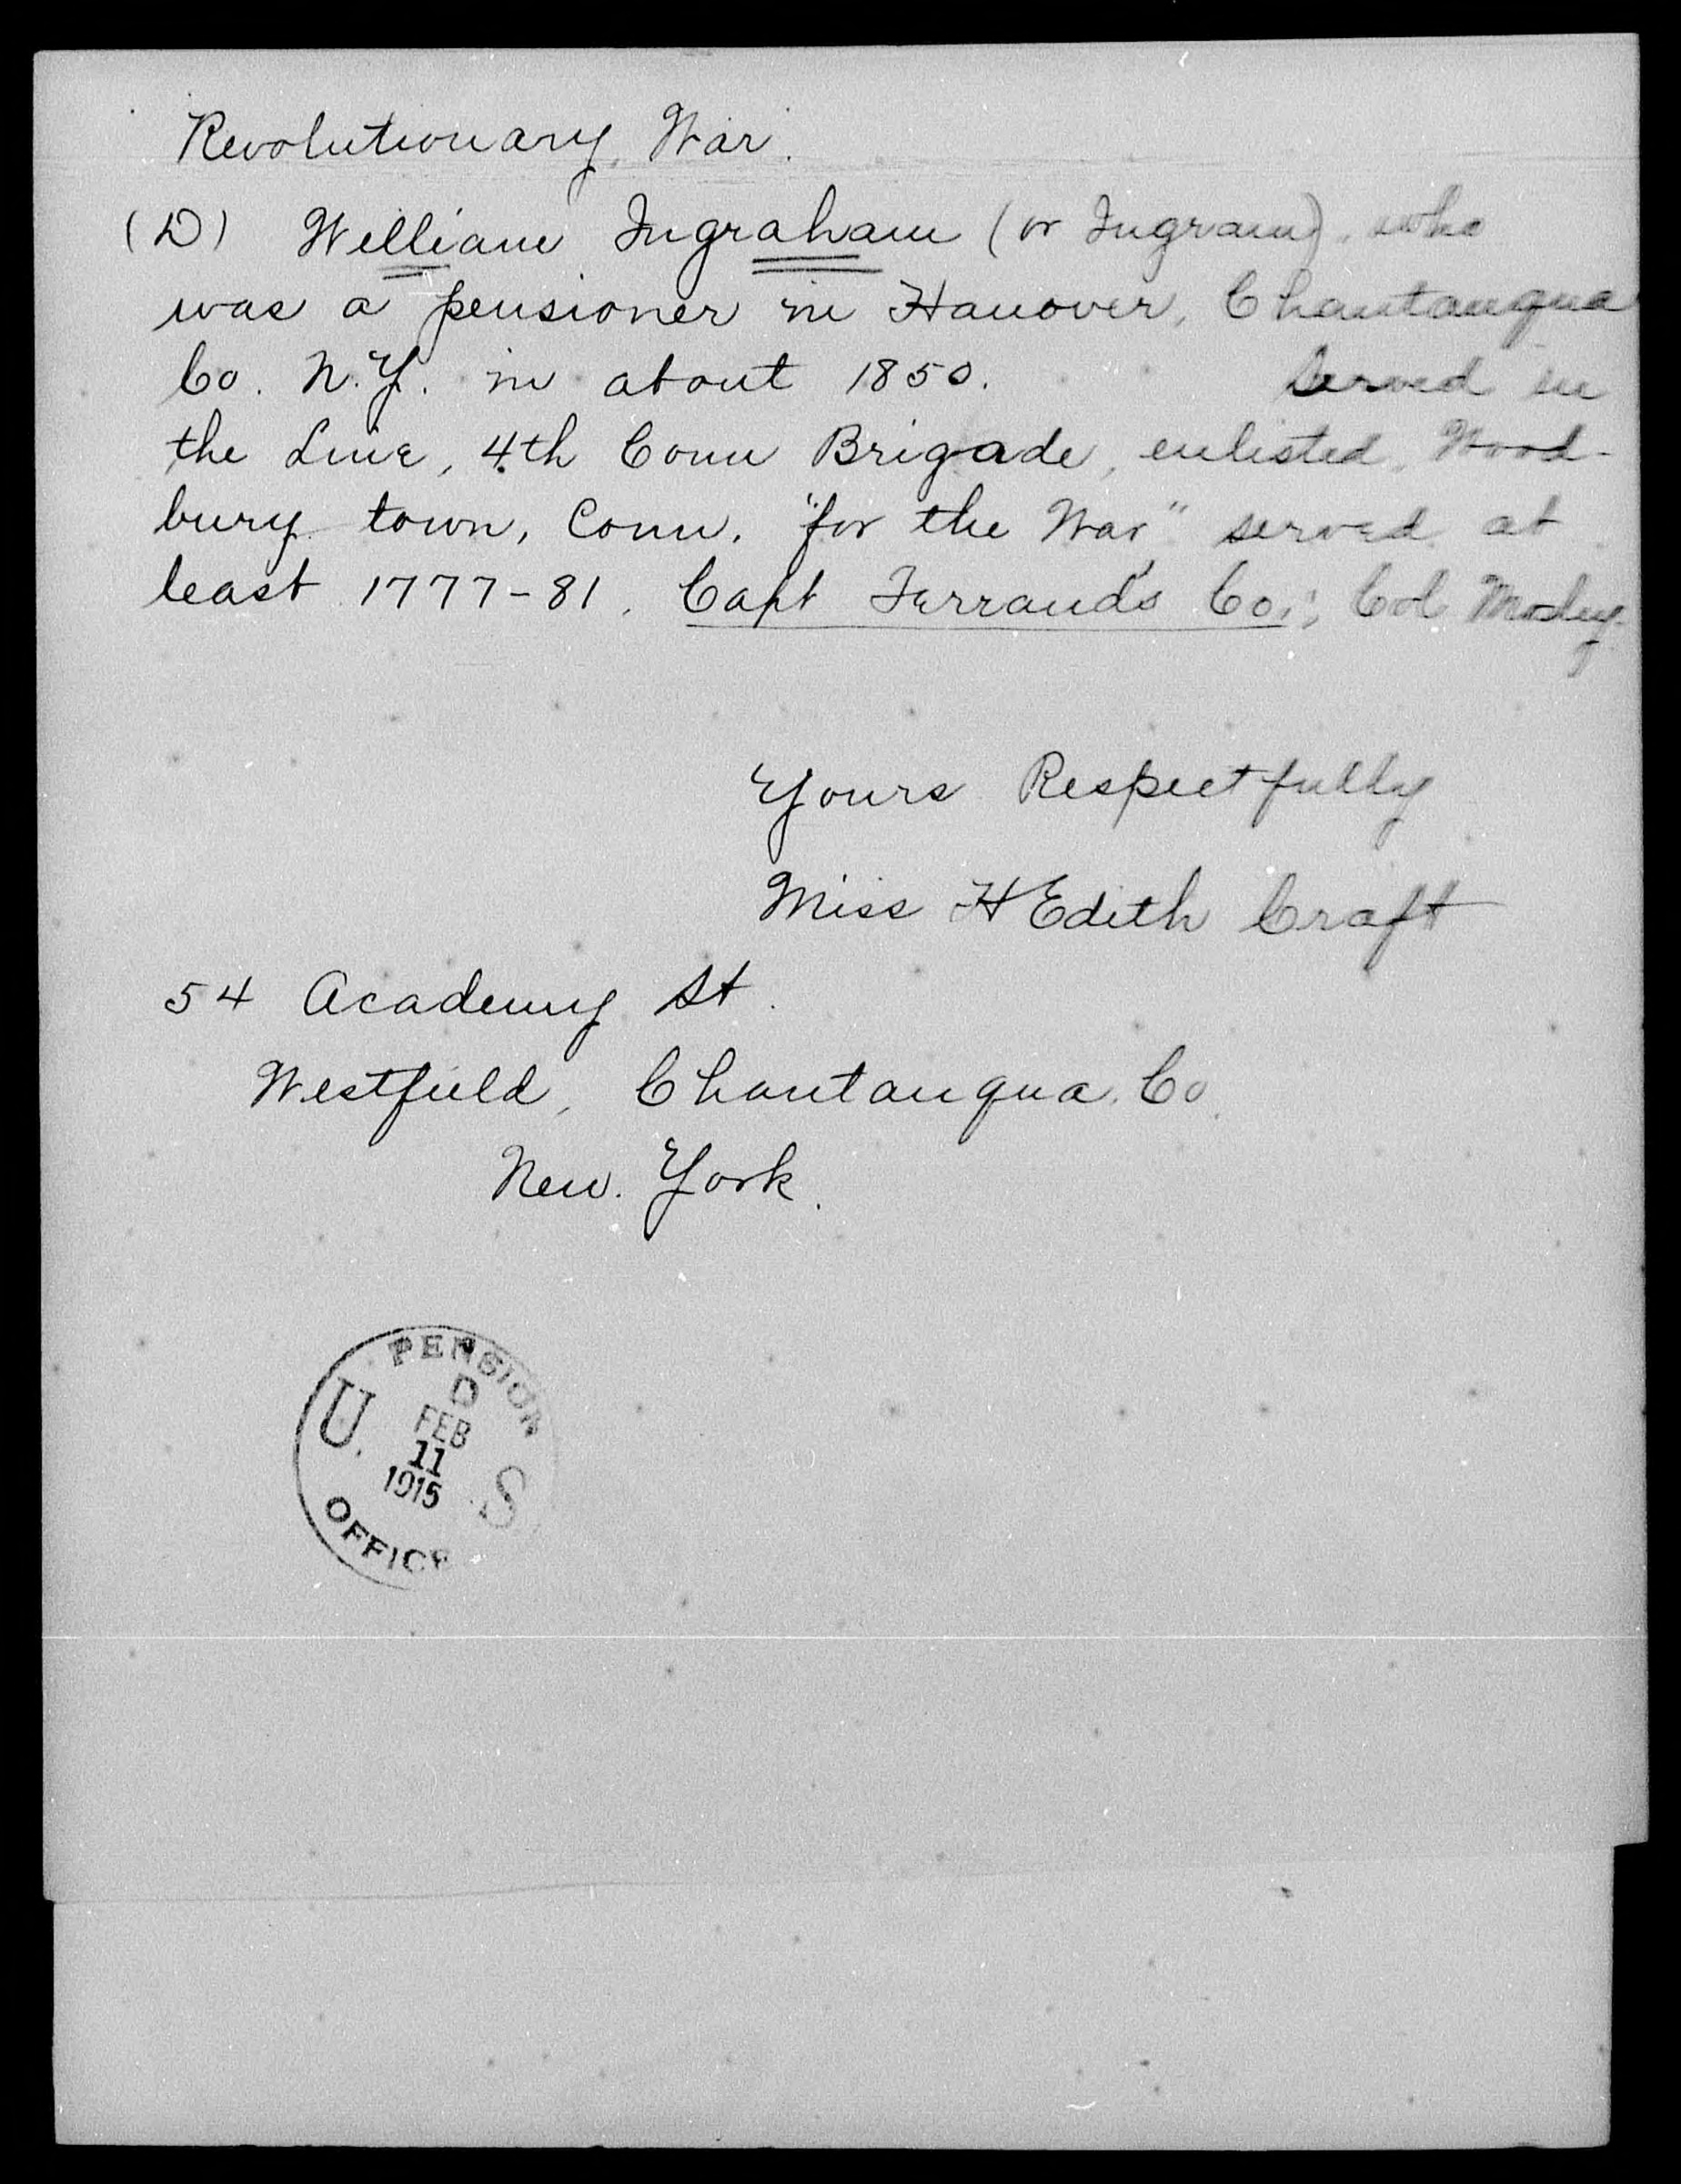Revolutionary War
(D)  William Ingraham ( or Ingrain), who was a pensioner in Hanover,  Chautauqua Co. N.Y. in about 1850.      Served in the Line, 4th Conn Brigade, enlisted, Woodbury town, Conn, "for the War" served, at least 1777-81, Capt. Ferrand's Co.;  (Capt Ferrand's Co. is underlined)  Col Mcley

                               Your Respectfully
                                 Miss H Edith Craft
54 Academy St.
    Westfield, Chantauqua, Co.
         New York.

[there's a round stamp which says:]      PENSION
                                                           U      D         S
                                                                  FEB
                                                                    11
                                                                 1915
                                                               OFFICE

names: E Edith Craft, William Ingraham, William Ingram, Mcley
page: 32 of 33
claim: survivor's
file: S 43571, Thomas Frink, Mass.